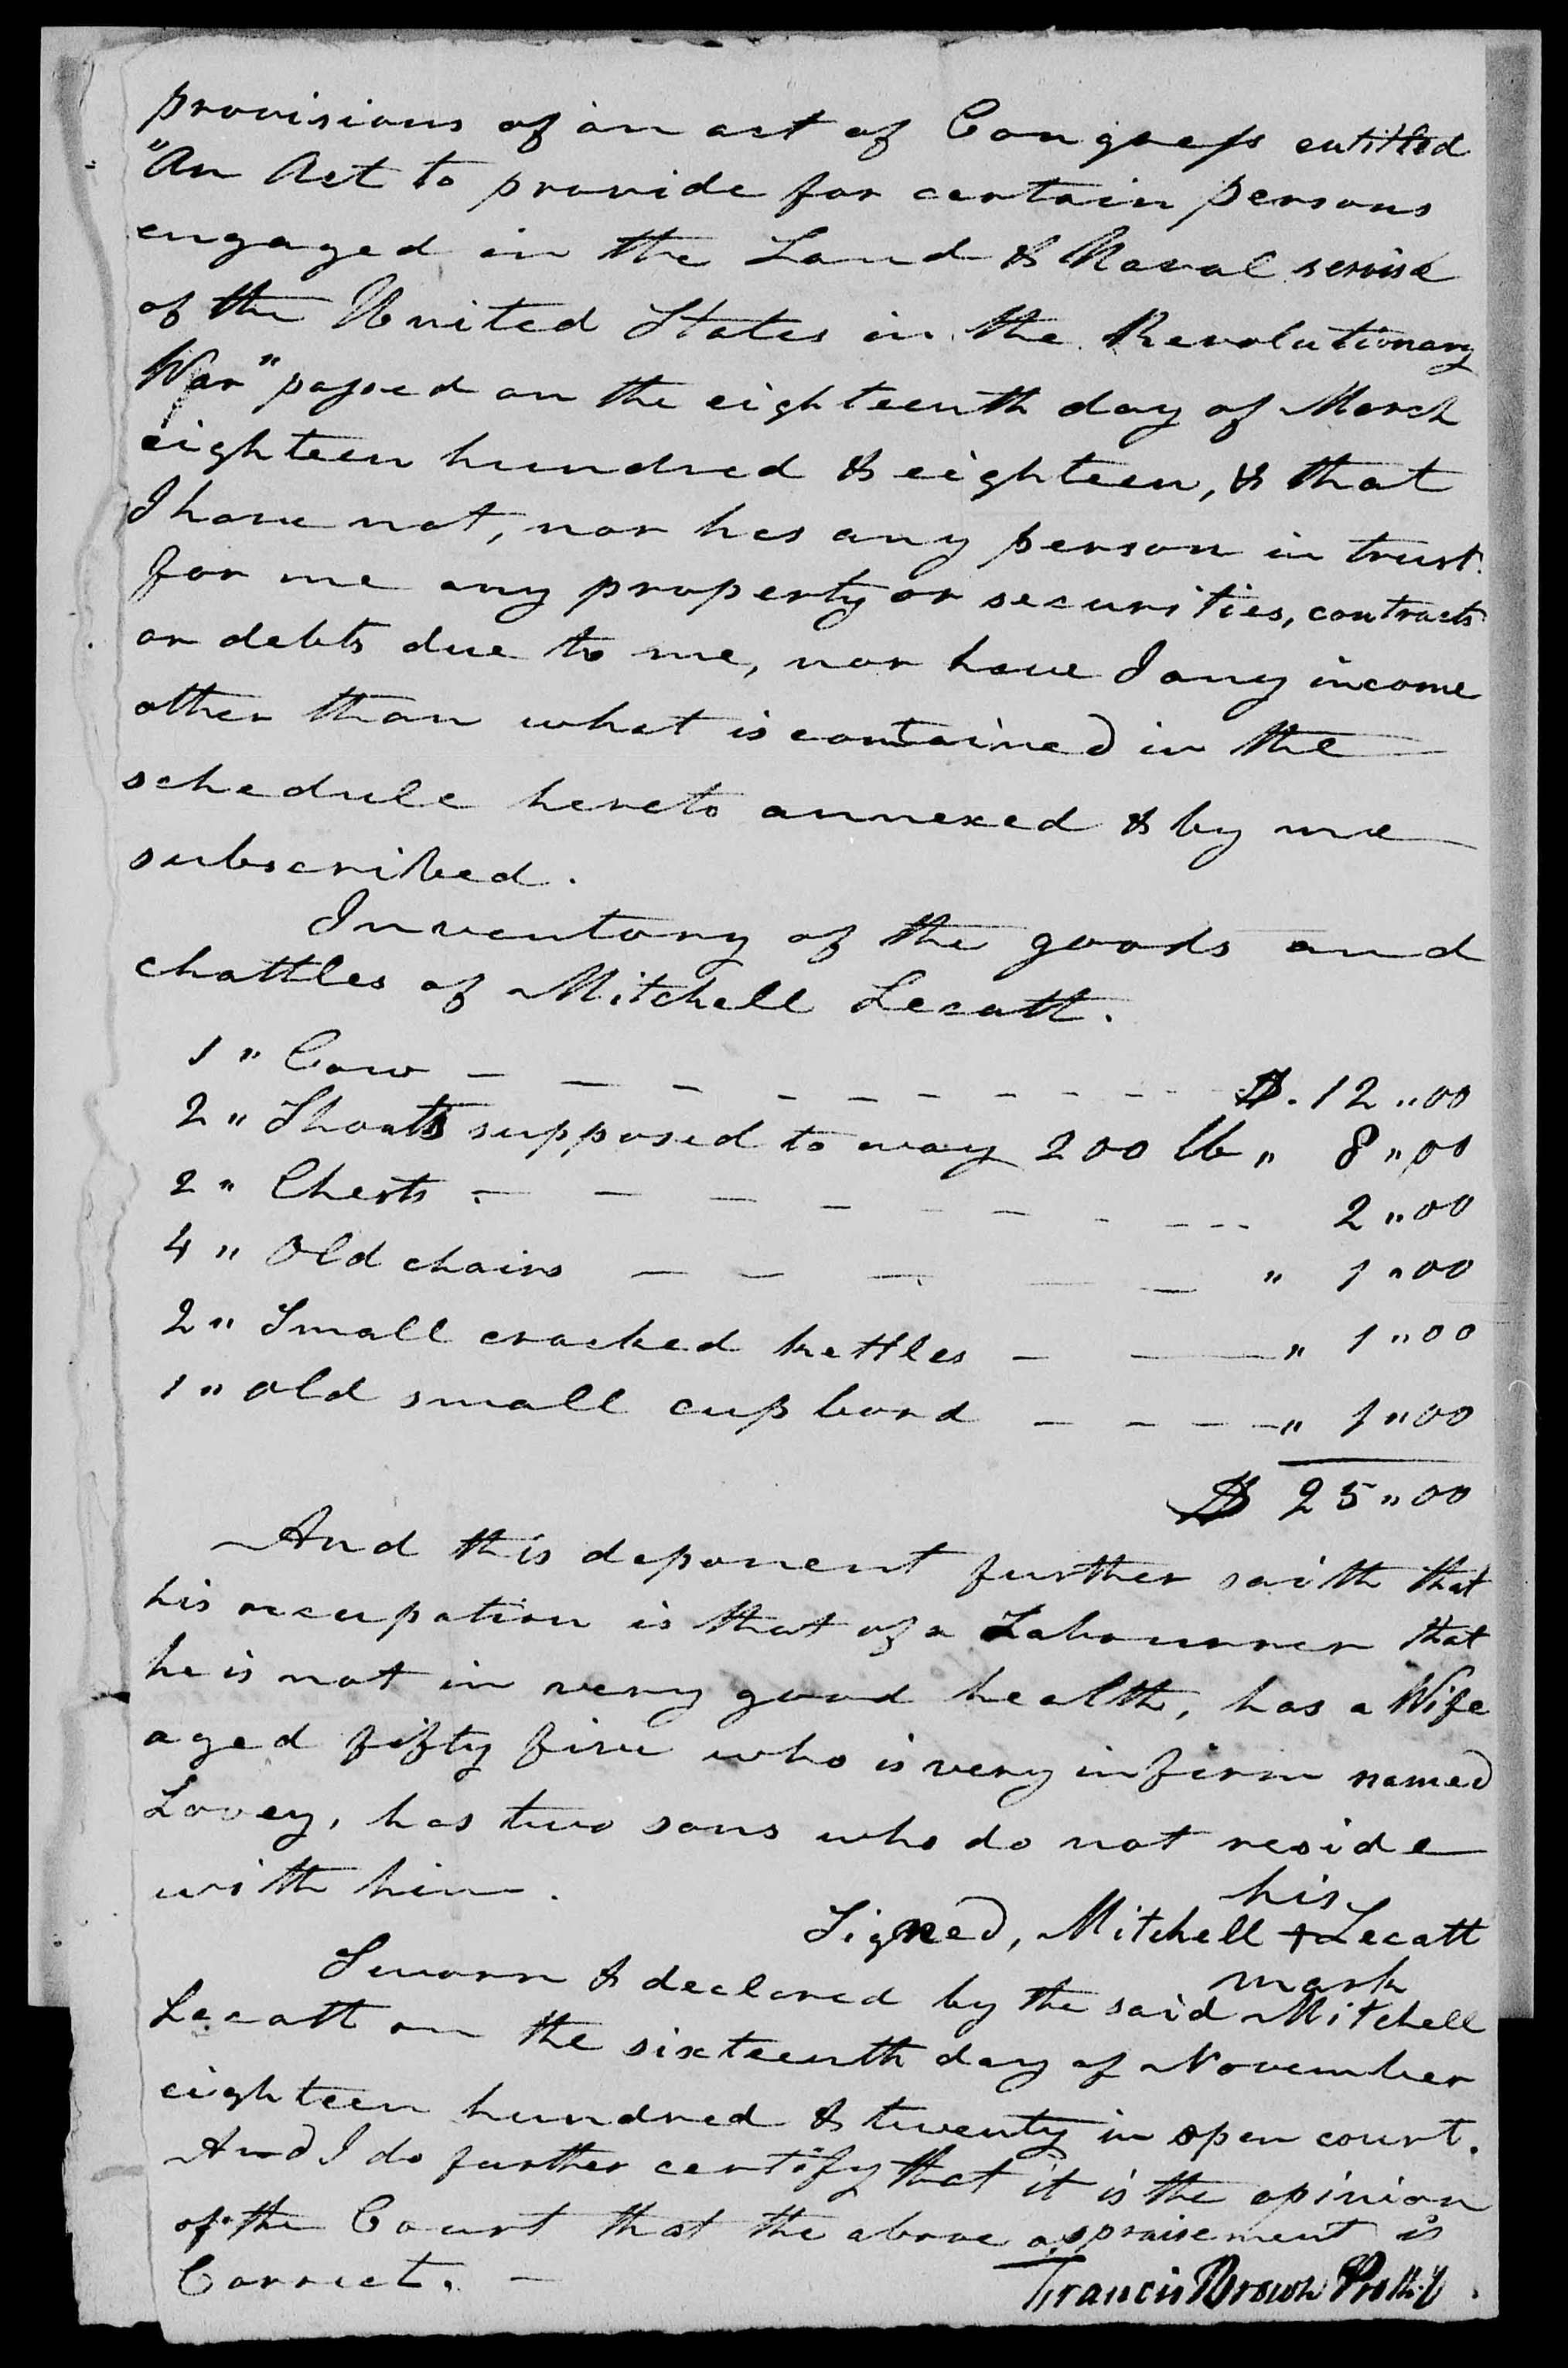provisions of an act of Congress entitled "An Act to provide for certain persons engaged in the Land & Naval service of the United States in the Revolutionary War" passed on the eighteenth day of March eighteen hundred & eighteen, & that I have not, nor has any person in trust for me any property or securities, contracts or debts due to me, nor have I any income other than what is contained in the schedule hereto annexed & by me subscribed.
Inventory of the goods and chattles of Mitchell Lecatt. 
1" Cow ---------$12"00
2" Shoats supposed to way 200 lb " 8"00
2" Chests -------2"00
4" Old chairs ---1"00
2" Small cracked kettles ---"1.00
1" old small cupboard----"1.00
$25"00
And this deponent further saith that his occupation is that of Labourer that he is not in very good health, has a wife aged fifty five who is very infirm named Lovey, has two sons who do not reside with him.
Signed, Mitchell Lecatt his X mark
Sworn & declared by the said Mitchell Lecatt on the sixteenth day of November eighteen hundred & twenty in open court. And I do further certify that it is the opinion of the Court that the above appraisement is Correct.-
[signed] Francis Brown Prothy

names: Mitchell Lecatt; Francis Brown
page: 9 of 12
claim: survivor's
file: S. 36,040, for Mitchell Lecatt, Delaware